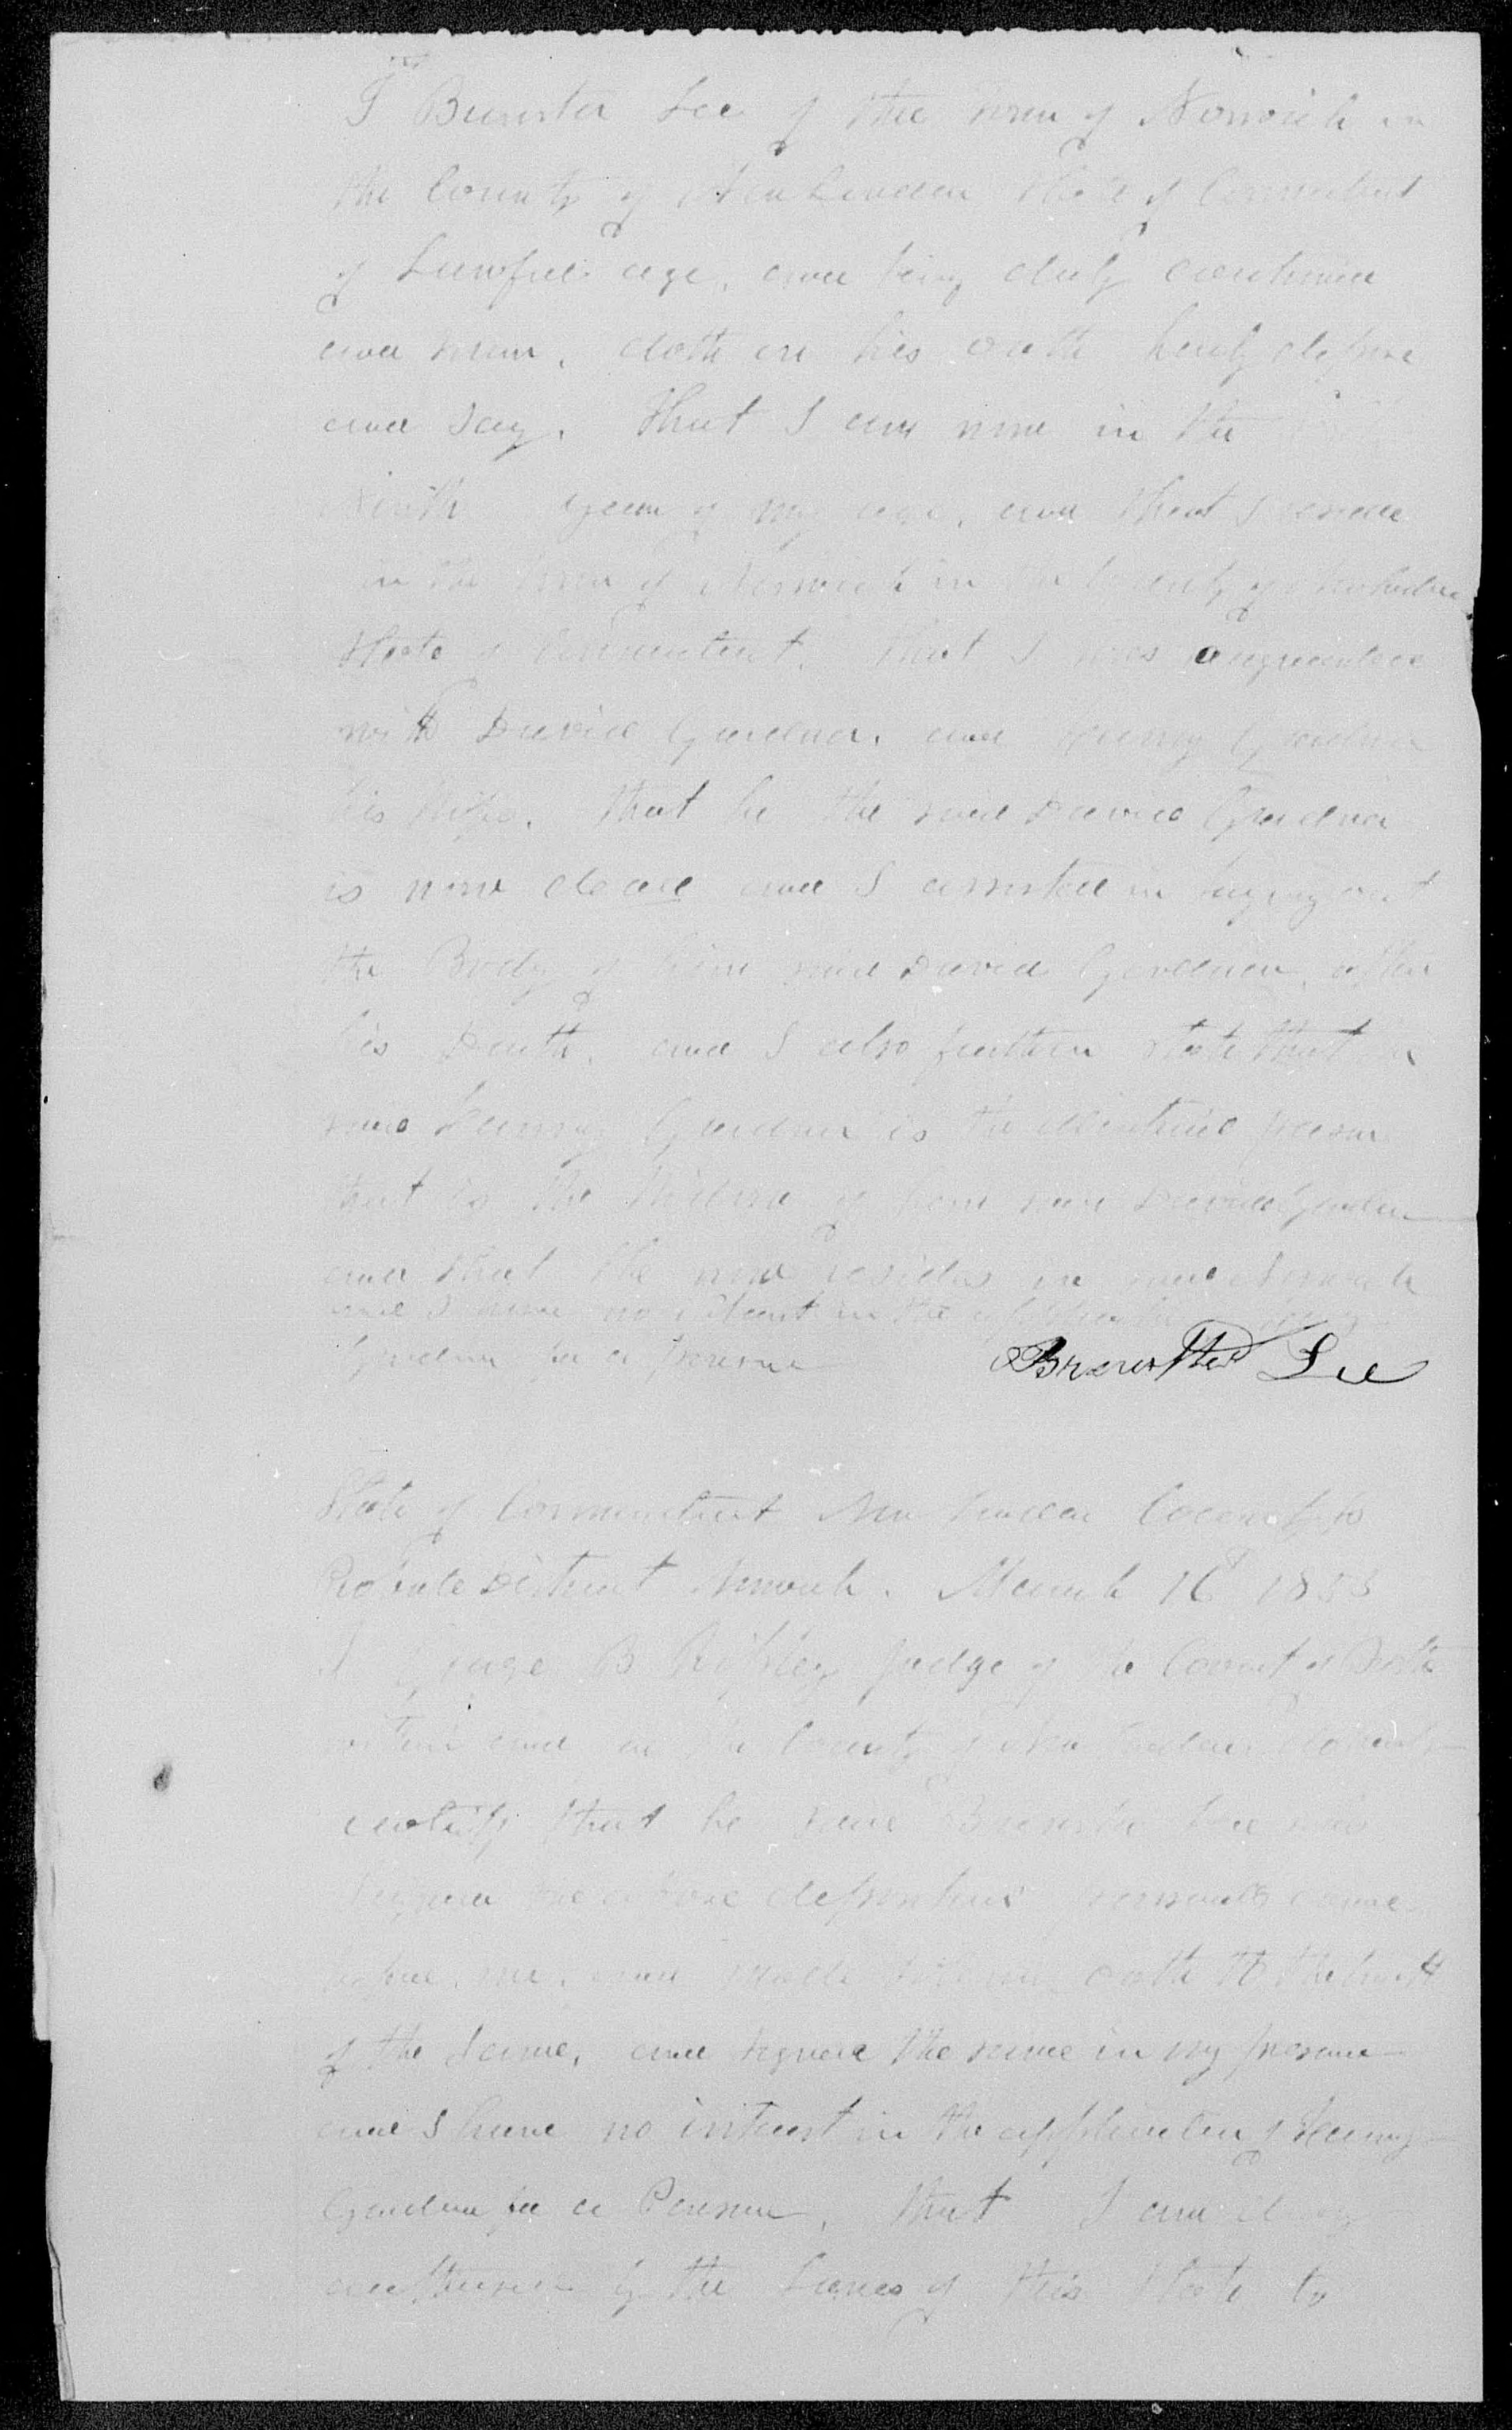I Brewster Lee of the town of Norwich in the County of New London state of Connecticut of lawful age, and being duly cautioned and sworn, doth on his oath hereby declare and say, that I am now in the sixtieth year of my age, and that I reside in the town of Norwich in the county of New London state of Connecticut. That I was acquainted with said David Gardner, and Fanny Gardner, his wife. That he the said David Gardner is now dead and I assisted in bringing out the body of the said David Gardner after his death, and I also further state that said Fanny Gardner is the identical person that is the widow of the said David Gardner and that she now resides in said Norwich and I have no interest in her application for a pension. 
Brewster Lee

State of Connecticut New London County Ss
Probate District Norwich March 16th 1855
I George B. Ripley Judge of the Court of Probate within and for the County and State of Connecticut, certify that he said Brewster Lee who subscribed the above deposition, personally came before me and made solemn oath to the same, and signed the same in my presence. And I have no interest in the application of Fanny Gardner for a pension. That I am duly  authorized by the Laws of this state to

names: Brinston Lee, Fanny Gardner, Fanny Gardner, Brewster Lee, David Gardner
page: 54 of 66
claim: widow's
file: W 1850, David Gardner, Conn.